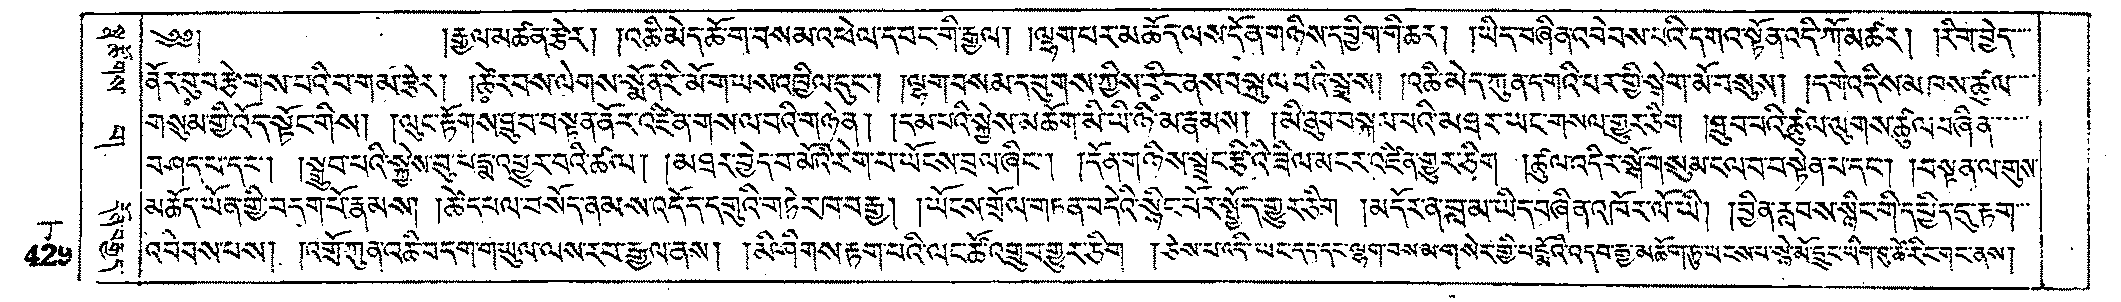༄༅། །རྒྱལ་མཚན་རྩེར། །འཆི་མེད་ཆོ་ག་བསམ་འཕེལ་དབང་གི་རྒྱལ། །ལྷག་པར་མཆོད་ལས་དོན་གཉིས་དབྱིག་གི་ཆར། །ཡིད་བཞིན་འབེབས་པའི་དགའ་སྟོན་འདི་ཀོ་མཚར། །རིག་བྱེད་་་
ནོར་བུ྾་བརྩེགས་པའི་བ་གམ་རྩེར། །ཚེ྾་རབས་ལེགས་སྨོན་རི་མོ་གཡས་འཁྱིལ་དུང་། །ལྷག་བསམ་དབུགས་ཀྱིས་རིང྾་ནས་བསྐུལ་བའི་སྒྲས། །འཆི་མེད་ཀུན་དགའི་པར་གྱི་སྒེག་མོ་བསུས། །དགེ་འདིས་མཁས་ཚུལ་་་
གསུམ་གྱི་འོད་སྟོང་གིས། །ལུང་རྟོགས་ཐུབ་བསྟན་ནོར་འཛིན་གསལ་བའི་གཉེན། །དམ་པའི་སྐྱེས་མཆོག་མི་ཡི་ཉི་མ་རྣམས། །མི་ནུབ་བསྐལ་པའི་མཐར་ཡང་གསལ་གྱུར་ཅིག །ཐུབ་པའི་ཚུལ་ལུགས་ཚུལ་བཞིན་་་
བཤད་པ་དང་། །སྒྲུབ་པའི་སྐྱེས་བུ་པདམ་འཕྱུར་བའི་ཚལ། །མཐར་བྱེད་བ་མོའི་རེག་པ་ཡོངས་བྲལ་ཞིང་། །དོན་གཉིས་སྦྲང་རྩིའི་ཟིལ་མངར་འཛིན་གྱུར་ཅིག །ཚུལ་འདིར་སྒོ་གསུམ་ངལ་བ་བསྟེན་པ་དང་། །བསྟན་ལ་གུས་
མཆོད་ཡོན་གྱི་བདག་པོ་རྣམས། །ཚེ་དཔལ་བསོད་ནམས་འདོད་དགུའི་གཏེར་ཁ་བརྒྱ། །ཡོངས་གྲོལ་གཏན་བདེའི་སྙིང་པོར་སྤྱོད་གྱུར་ཅིག །མདོར་ན་བླ་མ་ཡིད་བཞིན་འཁོར་ལོ་ཡི། །བྱིན་རླབས་སྙིང་གི་དཔྱིད་དུ་རྟག་་་
འབེབས་པས། །འགྲོ་ཀུན་འཆི་བདག་གཡུལ་ལས་རབ་རྒྱལ་ནས། །མི་ཤིགས་རྟག་པའི་ལང་ཚོ་འགྲུབ་གྱུར་ཅིག །ཅེས་པ་འདི་ཡང་དད་དང་ལྷག་བསམ་གསེར་གྱི་པདམོའི་འདབ་རྒྱ་མཆོག་ཏུ་ཡངས་པ་སྙེ་མོ་དྲུང་ཡིག་བུ་ཚེ་རིང་གང་ནས།